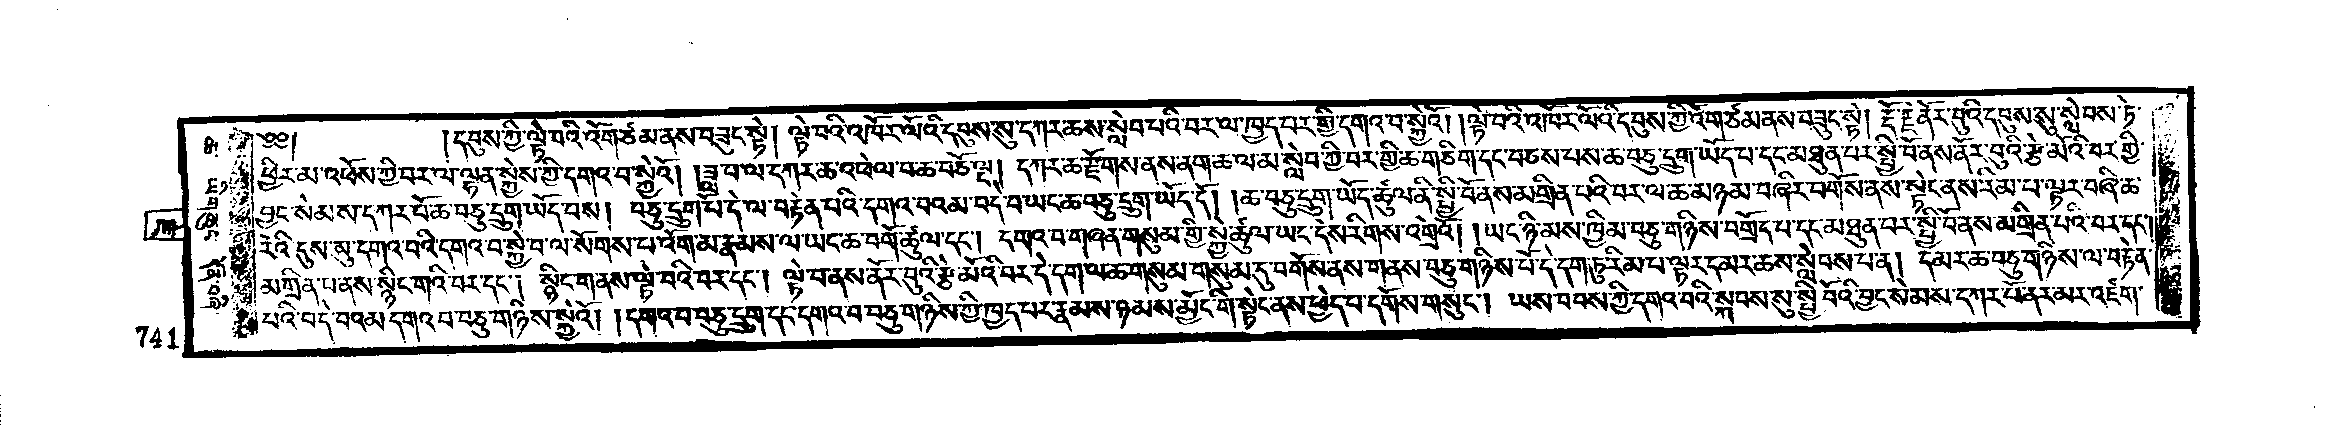༄༅། །དབུས་ཀྱི་ལྟེ་བའི་འོག་ཙམ་ནས་བཟུང་སྟེ། ལྟེ་བའི་འཁོར་ལོའི་དབུས་སུ་དཀར་ཆས་སླེབ་པའི་བར་ལ་ཁྱད་པར་གྱི་དགའ་བ་སྐྱེའོ། །ལྟེ་བའི་འཁོར་ལོའི་དབུས་ཀྱི་འོག་ཙམ་ནས་བཟུང་སྟེ། རྡོ་རྗེ་ནོར་བུའི་དབུས་སུ་སླེབས་ཏེ་
ཕྱིར་མ་འཕོས་ཀྱི་བར་ལ་ལྷན་སྐྱེས་ཀྱི་དགའ་བ་སྐྱེའོ། །ཟླ་བ་ལ་དཀར་ཆ་འཕེལ་བ་ཆ་བཅོ་ལྔ། དཀར་ཆ་རྫོགས་ནས་ནག་ཆ་ལ་མ་སླེབ་ཀྱི་བར་གྱི་ཆ་གཅིག་དང་བཅས་པས་ཆ་བཅུ་དྲུག་ཡོད་པ་དང་མཐུན་པར་སྤྱི་བོ་ནས་ནོར་བུའི་རྩེ་མོའི་བར་གྱི་
བྱང་སེམས་དཀར་པོ་ཆ་བཅུ་དྲུག་ཡོད་པས། བཅུ་དྲུག་པོ་དེ་ལ་བརྟེན་པའི་དགའ་བའམ་བདེ་བ་ཡང་ཆ་བཅུ་དྲུག་ཡོད་དོ། །ཆ་བཅུ་དྲུག་ཡོད་ཚུལ་ནི་སྤྱི་བོ་ནས་མགྲིན་པའི་བར་ལ་ཆ་མཉམ་བཞིར་བགོས་ནས་སྟེང་ནས་རིམ་པ་ལྟར་བཞི་ཆ་
རེའི་དུས་སུ་དགའ་བའི་དགའ་བ་སྐྱེ་བ་ལ་སོགས་པ་འོག་མ་རྣམས་ལ་ཡང་ཆ་བགོ་ཚུལ་དང་། དགའ་བ་གཞན་གསུམ་གྱི་སྐྱེ་ཚུལ་ཡང་དེས་རིགས་འགྲོའོ། །ཡང་ཉི་མས་ཁྱིམ་བཅུ་གཉིས་བགྲོད་པ་དང་མཐུན་པར་སྤྱི་བོ་ནས་མགྲིན་པའི་བར་དང་།
མགྲིན་པ་ནས་སྙིང་གའི་བར་དང་། སྙིང་གནས་ལྟེ་བའི་བར་དང་། ལྟེ་བ་ནས་ནོར་བུའི་རྩེ་མོའི་བར་དེ་དག་ལ་ཆ་གསུམ་གསུམ་དུ་བགོས་ནས་གནས་བཅུ་གཉིས་པོ་དེ་དག་ཏུ་རིམ་པ་ལྟར་དམར་ཆས་སླེབས་པ་ན། དམར་ཆ་བཅུ་གཉིས་ལ་བརྟེན་
པའི་བདེ་བའམ་དགའ་བ་བཅུ་གཉིས་སྐྱེའོ། །དགའ་བ་བཅུ་དྲུག་དང་དགའ་བ་བཅུ་གཉིས་ཀྱི་ཁྱད་པར་རྣམས་ཉམས་མྱོང་གི་སྟེང་ནས་ཕྱེད་པ་དགོས་གསུང་། ཡས་བབས་ཀྱི་དགའ་བའི་སྐབས་སུ་སྤྱི་བོའི་བྱང་སེམས་དཀར་པོ་ནར་མར་འཛག་